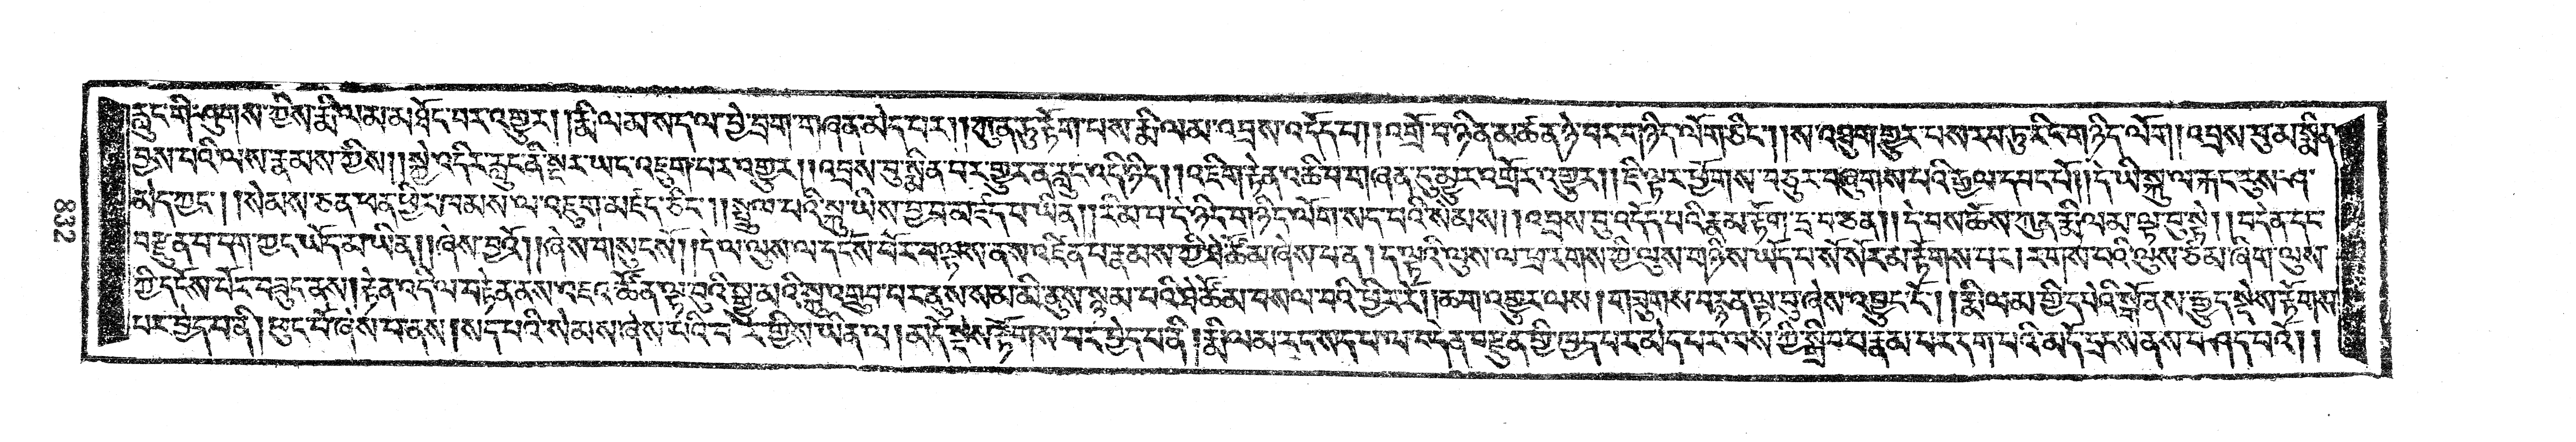རླུང་གི་ཤུགས་ཀྱིས་རྨི་ལམ་མཐོང་བར་འགྱུར། །རྨི་ལམ་སད་ལ་བྱེ་བྲག་གཞན་མེད་པར། །ཀུན་ཏུ་རྟོག་པས་རྨི་ལམ་འབྲས་འདོད་པ། །འགྲོ་བ་ཉིན་མཚན་ཉེ་བར་གཉིད་ལོག་ཅིང་། །ས་འཐུག་གྱུར་པས་རབ་ཏུ་རིང་གཉིད་ལོག །འབྲས་བུ་མ་སྨིན་
བྱས་པའི་ལས་རྣམས་ཀྱིས། །སྐྱེ་འདིར་རླུང་ནི་སྔར་ཡང་འཇུག་པར་འགྱུར། །འབྲས་བུ་སྨིན་པར་གྱུར་ན་རླུང་འདི་ཉིད། །འཇིག་རྟེན་འཆི་བ་གཞན་དུ་མྱུར་འགྲོར་འགྱུར། །ཇི་ལྟར་ཕྱོགས་བཅུར་བཞུགས་པའི་རྒྱལ་དབང་པོ། །དེ་ཡི་སྐུ་ལ་རྐང་རུས་ཤ་
མེད་ཀྱང་། །སེམས་ཅན་ཕན་ཕྱིར་ཁམས་ལ་འཇུག་མཛད་ཅིང་། །སྤྲུལ་པའི་སྐུ་ཡིས་བྱ་བ་མཛད་པ་ཡིན། །རིམ་པ་དེ་ཉིད་གཉིད་ལོག་སད་པའི་སེམས། །འབྲས་བུ་འདོད་པའི་རྣམ་རྟོག་དྲ་བ་ཅན། །དེ་བས་ཆོས་ཀུན་རྨི་ལམ་ལྟ་བུ་སྟེ། །བདེན་དང་
བརྫུན་པ་དག་ཀྱང་ཡོད་མ་ཡིན། །ཞེས་བྱའོ། །ཞེས་གསུངས་སོ། །དེ་ལ་ལུས་ལ་དངོས་པོར་བལྟས་ནས་འཛིན་པ་རྣམས་ཀྱི་ཐེ་ཚོམ་ཞེས་པ་ན། ད་ལྟའི་ལུས་ལ་ཕྲ་རགས་ཀྱི་ལུས་གཉིས་ཡོད་པ་སོ་སོར་མ་རྟོགས་པར། རགས་པའི་ལུས་ཙམ་ཞིག་ལུས་
ཀྱི་དངོས་པོར་བཟུང་ནས། རྟེན་འདི་ལ་བརྟེན་ནས་འཇའ་ཚོན་ལྟ་བུའི་སྒྱུ་མའི་སྐུ་འགྲུབ་པར་ནུས་སམ་མི་ནུས་སྙམ་པའི་ཐེ་ཚོམ་བསལ་བའི་ཕྱིར་རོ། །ཆག་འགྱུར་ལས། གཟུགས་བརྙན་ལྟ་བུ་ཞེས་འབྱུང་ངོ། །རྨི་ལམ་གྱི་དཔེའི་སྒོ་ནས་རྒྱུད་སྡེས་རྟོགས་
པར་བྱེད་པ་ནི། ཕུང་པོ་ཞེས་པ་ནས། སད་པའི་སེམས་ཞེས་པའི་བར་གྱིས་ཡིན་ལ། མདོ་སྡེས་རྟོགས་པར་བྱེད་པ་ནི། རྨི་ལམ་རང་སད་པ་ལ་བདེན་བརྫུན་གྱི་ཁྱད་པར་མེད་པར་ལས་ཀྱི་སྒྲིབ་པ་རྣམ་པར་དག་པའི་མདོ་དྲངས་ནས་བཤད་པའོ། །